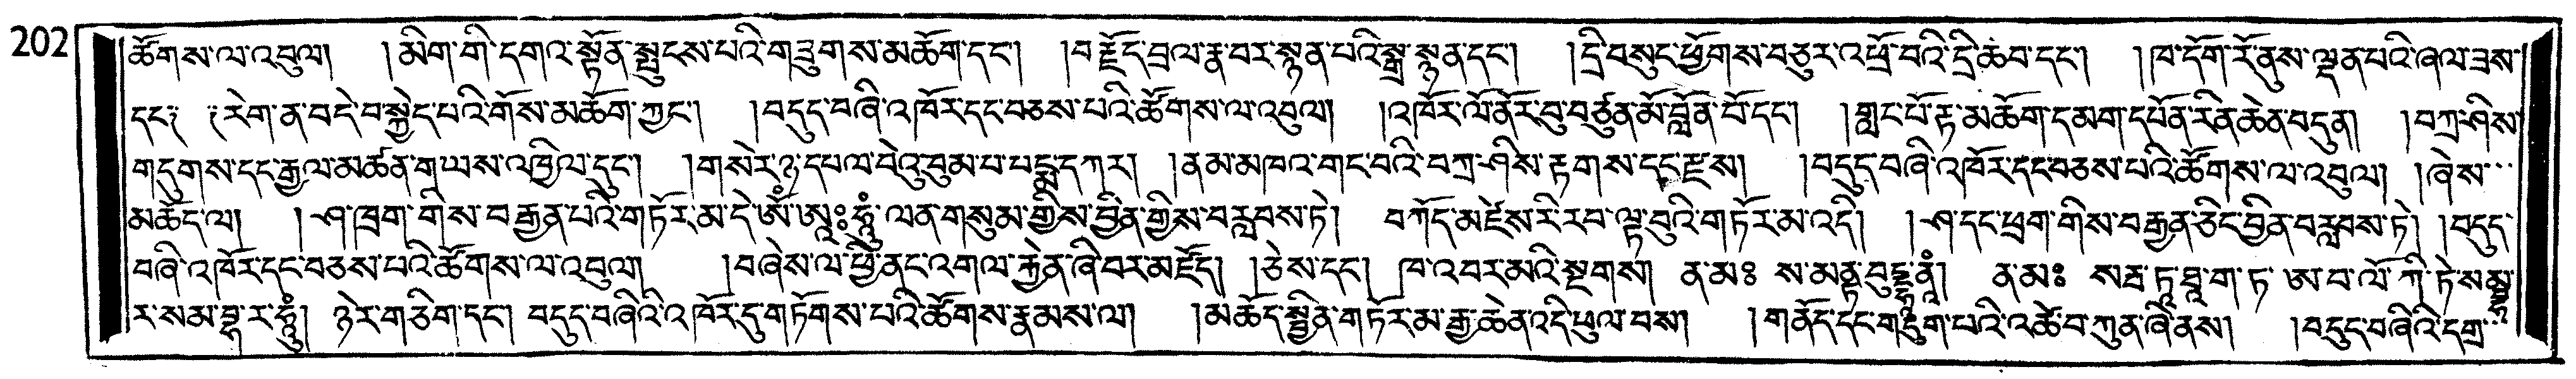ཚོགས་ལ་འབུལ། །མིག་གི་དགའ་སྟོན་སྤུངས་པའི་གཟུགས་མཆོག་དང་། །བརྗོད་བྲལ་རྣ་བར་སྙན་པའི་སྒྲ་སྙན་དང་། །དྲི་བསུང་ཕྱོགས་བཅུར་འཕྲོ་བའི་དྲི་ཆབ་དང་། །ཁ་དོག་རོ་ནུས་ལྡན་པའི་ཞལ་ཟས་
དང༑ ༑རེག་ན་བདེ་བ་སྐྱེད་པའི་གོས་མཆོག་ཀྱང་། །བདུད་བཞི་འཁོར་དང་བཅས་པའི་ཚོགས་ལ་འབུལ། །འཁོར་ལོ་ནོར་བུ་བཙུན་མོ་བློན་པོ་དང་། །གླང་པོ་རྟ་མཆོག་དམག་དཔོན་རིན་ཆེན་བདུན། །བཀྲ་ཤིས་
གདུགས་དང་རྒྱལ་མཚན་གཡས་འཁྱིལ་དུང་། །གསེར་ཉ་དཔལ་བེའུ་བུམ་པ་པདམ་དཀར། །ནམ་མཁའ་གང་བའི་བཀྲ་ཤིས་རྟགས་དང་རྫས། །བདུད་བཞི་འཁོར་དང་བཅས་པའི་ཚོགས་ལ་འབུལ། །ཞེས་
མཆོད་ལ། །ཤ་ཁྲག་གིས་བརྒྱན་པའི་གཏོར་མ་དེ་ཨོཾ་ཨཱཿ ཧཱུཾ་ལན་གསུམ་གྱིས་བྱིན་གྱིས་བརླབས་ཏེ། བཀོད་མཛེས་རི་རབ་ལྟ་བུའི་གཏོར་མ་འདི། །ཤ་དང་ཕྲག་གིས་བརྒྱན་ཅིང་བྱིན་བརླབས་ཏེ། །བདུད་
བཞི་འཁོར་དང་བཅས་པའི་ཚོགས་ལ་འབུལ། །བཞེས་ལ་ཕྱི་ནང་འགལ་རྐྱེན་ཞི་བར་མཛོད། །ཅེས་དང་། ཁ་འབར་མའི་སྔགས། ན་མཿ ས་མནྟ་བུདྡྷཱ་ནཱཾ། ན་མཿ སརྦ་ཏཱ་ཐཱ་ག་ཏ་ཨ་བ་ལོ་ཀི་ཏེ་སམྦྷ་
ར་སམ་བྷ་ར་ཧཱུཾ། ཉེར་གཅིག་དང་། བདུད་བཞིའི་འཁོར་དུ་གཏོགས་པའི་ཚོགས་རྣམས་ལ། །མཆོད་སྦྱིན་གཏོར་མ་རྒྱ་ཆེན་འདི་ཕུལ་བས། །གནོད་དང་གདུག་པའི་འཚེ་བ་ཀུན་ཞི་ནས། །བདུད་བཞིའི་དགྲ་